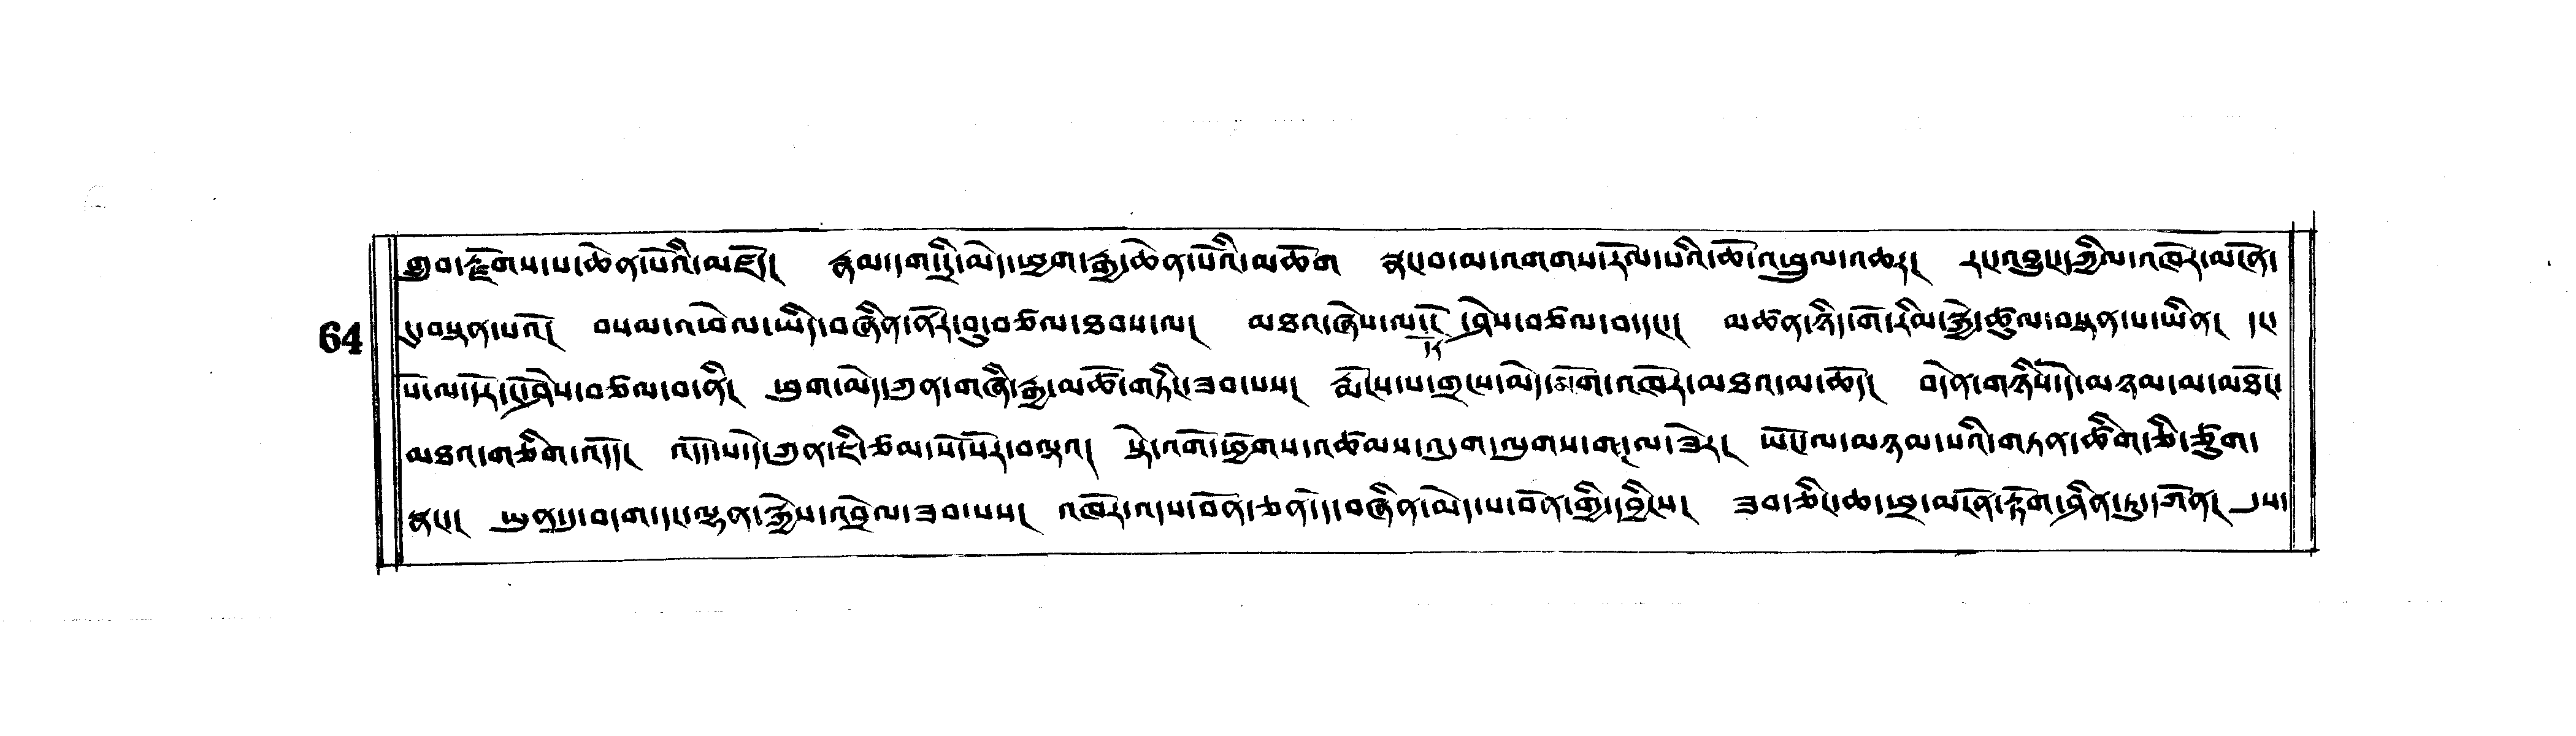གྲུབ་རྫོགས་པ་ཆེན་པོའི་མཛོད། རྣམ་དག་དྲི་མེད་ཕྱག་རྒྱ་ཆེན་པོའི་མཆོག སྣང་བ་མ་འགག་རོལ་པའི་ཆོ་འཕྲུལ་འཆར། རང་འབྱུང་དཀྱིལ་འཁོར་མངོན་
དུ་བསྟན་པའོ། བསམ་འཕེལ་ཡིད་བཞིན་ནོར་བུ་བཙལ་ཐབས་ལ། མཐའ་ཞེས་ལ་དོར་ངོ་ཤེས་བཙལ་བ་དང་། མཚན་ཉིད་གོ་རིམ་སྐྱེ་ཚུལ་བསྟན་པ་ཡིན། དང་
པོ་ལ་དོར་ངོ་ཤེས་བཙལ་བ་ནི། ཕུག་མེད་ཀུན་གཞི་རྒྱ་མཚོ་གཏིང་ཟབ་པས། རྨོངས་པ་གྲངས་མེད་འགོ་འཁོར་མཐའ་མ་ཆོད། བདེན་གཉིས་དོ་མཉམ་མ་མཐོང་
མཐའ་གཅིག་འདོད། འདོད་པ་དེ་ཀུན་ཇི་ཙམ་སོ་སོར་བལྟ། སྟེང་འོག་ཕྱོགས་མཚམས་འདུག་ལུགས་གང་ལ་ཟེར། ཡོངས་ལ་མཉམ་པའི་གཏན་ཚིགས་ཅི་ཙུག་
སྣང་། ཡུན་དུ་བདག་དང་ལྷན་སྐྱེས་འབྲེལ་ཟབ་པས། འཁོར་འདས་བོན་ཅན་དེ་བཞིན་མེད་པ་བོན་གྱི་དབྱིངས། ཟབ་ཅིང་ཆ་ཕྲ་མངོན་རྟོགས་ཤིན་ཏུ་དཀོན། དུས་